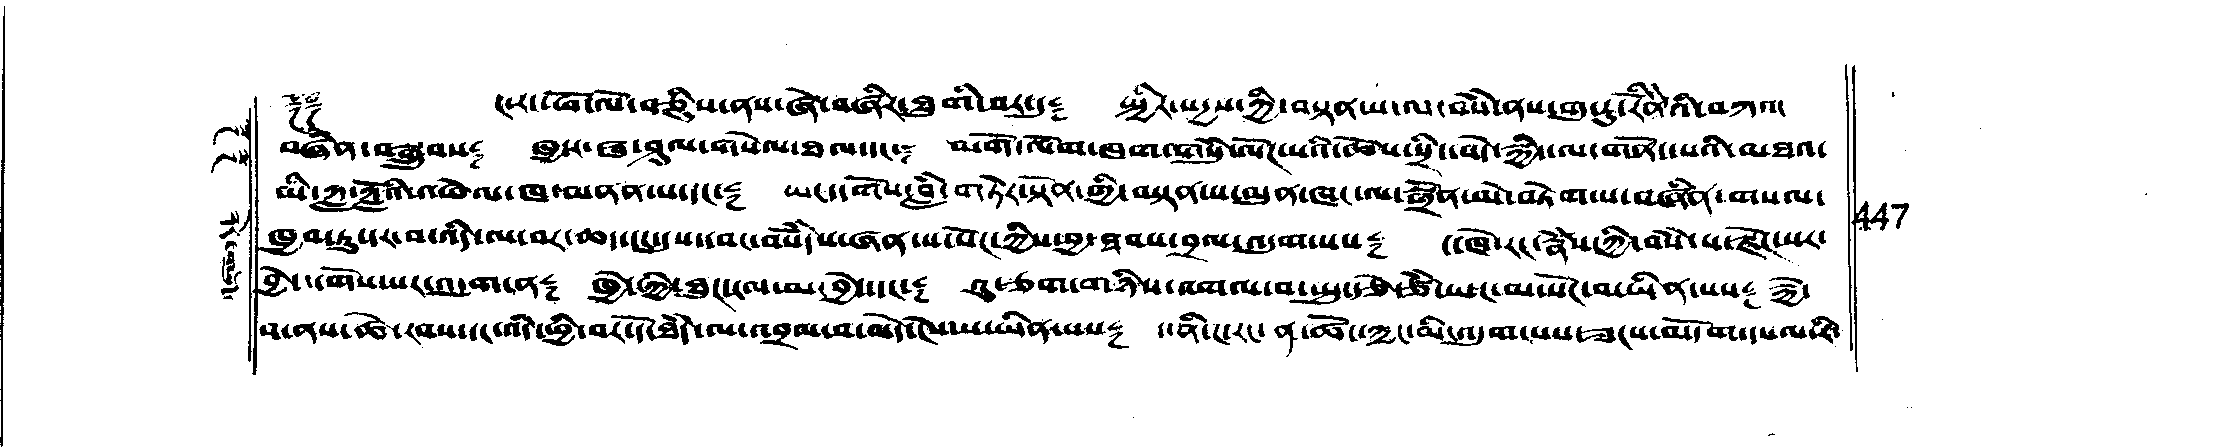ང་རང་ཕོ་ལོ་བཅུ་གཉིས་ནས་ཞེ་བཞིར་ཐུག་གི་བར་དུ། སྤྱིར་སངས་རྒྱས་ཀྱི་བསྟན་པ་ལ་བསམ་ནས་གུ་རུ་རིན་པོ་ཆེའི་བཀའ་
བཞིན་བསྒྲུབས། ཁྱད་པར་ཝ་ཤུལ་གསོལ་ཐལ་དང། མགོ་ལོག་ཁག་གསུམ་ལ་སོགས་པའི་ཆོས་སྲིད་བདེ་སྐྱིད་ལ་གནོད་པའི་མཐའ་
ཡི་ཀླ་ཀློའི་འཕེལ་ཁ་མནན་པ་དང་། ཡང་སྒོས་བླ་མ་གཏེར་སྟོན་གྱི་བསྟན་པ་མུན་ཁང་ལ་སྒྲོན་མེ་བཏེག་པ་བཞིན་གསལ་
ཁྱབ་ཏུ་དར་བ་འདི་ལ་བར་ཆད་དང་དུས་དབང་བསོད་ནམས་ཞན་པ་སོགས་ཀྱིས་བྱ་ཐབས་བྲལ་འདུག་པས། ད་ཁོ་རང་རྣམས་ཀྱི་བསམ་པ་རྫོགས་པར་
བྱེད་དགོས་པར་འདུག་ན། ཁྱེད་ཀྱི་ཐུགས་ངལ་མ་བྱེད་དང་། འུ་ཅག་གཉིས་འགལ་བ་སྤུ་རྩེ་ཙམ་ཡང་མ་སོང་བ་ཡིན་པས། སྐྱེ་
བ་ནས་ཚེ་རབས་དང་འདི་ཕྱི་བར་དོ་ཐམས་ཅད་ལ་འབྲལ་བ་མེད་ངེས་པ་ཡིན་པས། ད་ནི་ང་རང་ན་ཚོད་ཀྱང་མི་འདུག་པས་ཟངས་མདོག་དཔལ་རི་